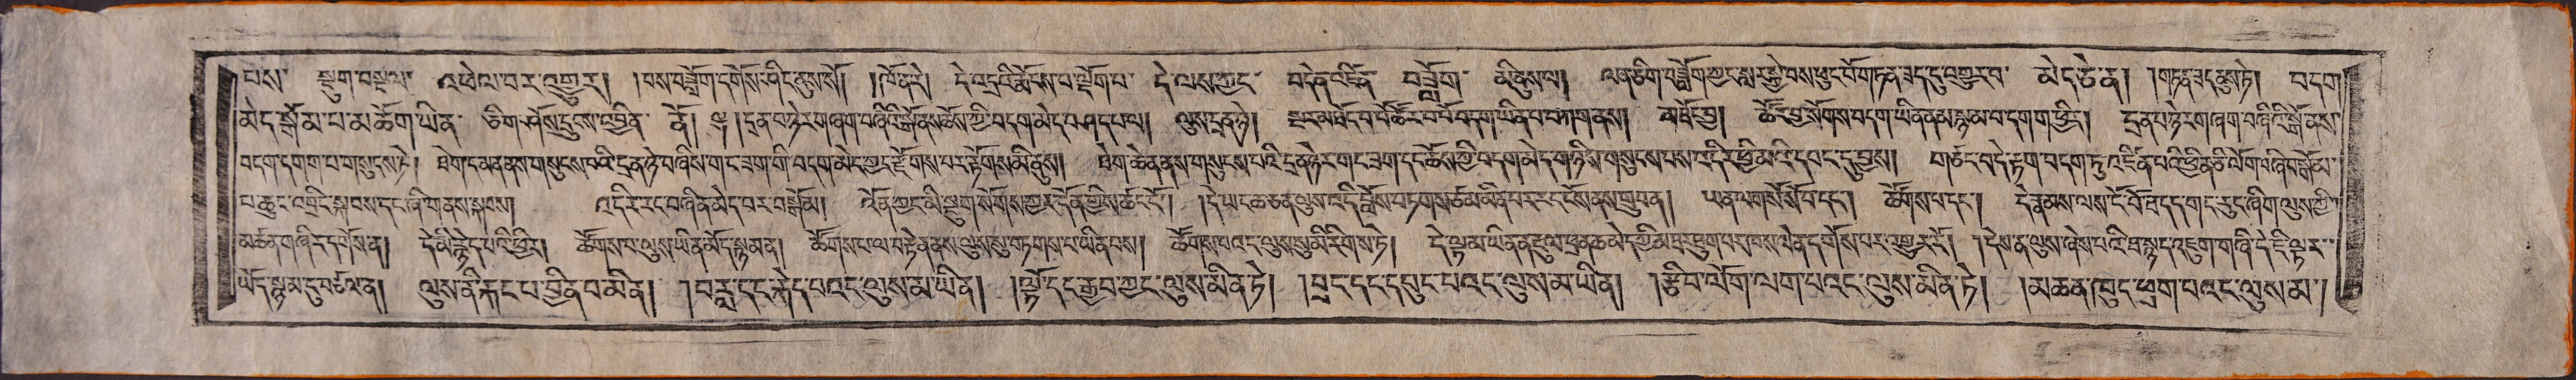པས་སྡུག་བསྔལ་འཕེལ་བར་འགྱུར། །པས་བཟློག་དགོས་ཤིང་ནུས་སོ། །ཁོ་ན་རེ། དེ་འདྲའི་རྨོངས་པ་ལྡོག་པ་དེ་ལས་ཀྱང་བདེན་འཛིན་བཟློག་མི་ནུས་ལ། ལན་ཅིག་བཟློག་ཀྱང་སླར་སྐྱེ་བས་ཕུང་པོ་གཏན་ཟད་དུ་འགྱུར་བ་མེད་ཅེ་ན། །གཏད་ཟད་ནུས་ཏེ།  བདག་
མེད་སྒོམ་པ་མཆོག་ཡིན་ཅིག་ཤོས་དྲུངས་འབྱིན་ནོ། ༈ །དྲན་པ་ཉེར་གཞག་བཞིའི་སྒོ་ནས་ཆོས་ཀྱི་བདག་མེད་བཤད་པ་ལ། ལུས་དྲན་ཉེ། སྔར་མཐོང་བ་པོ་ཚོར་བ་པོ་བདག་ཡིན་པ་བཀག་ནས། མཐོང་བྱ། ཚོར་བྱ་སོགས་བདག་ཡིན་ནམ་སྙམ་པ་དགག་ཕྱིར། དྲན་པ་ཉེར་གཞག་བཞིའི་སྒོ་ནས་
བདག་དགག་པ་གསུངས་ཏེ། ཐེག་དམན་ནས་གསུངས་པའི་དྲན་ཉེ་བཞིས་གང་ཟག་གི་བདག་མེད་ཀྱང་རྫོགས་པར་རྟོགས་མི་ནུས། ཐེག་ཆེན་ནས་གསུངས་པའི་དྲན་ཉེར་གང་ཟག་དང་ཆོས་ཀྱི་བདག་མེད་གཉིས་གསུངས་པས་འདིར་ཕྱི་མའི་དབང་དུ་བྱས། གཙང་བདེ་རྟག་བདག་ཏུ་འཛིན་པའི་ཕྱིན་ཅི་ལོག་བཞི་བསྒོམ་
པ་ཆུང་འབྲིང་སྐབས་དང་ཞི་གནས་སྐབས། འདིར་རང་བཞིན་མེད་པར་བསྒོམ། འོན་ཀྱང་མི་སྡུག་སོགས་ཀྱང་དོན་གྱིས་ཚང་ངོ། །དེ་ཡང་ཆ་ཅན་ལུས་འདི་བློས་བཏགས་ཙམ་མིན་པར་རང་ངོས་ནས་གྲུབ་ན། ཡན་ལག་སོ་སོ་པ་དང་ཚོགས་པ་དང་། དེ་རྣམས་ལས་ངོ་བོ་ཐ་དད་གང་རུང་ཞིག་ལུས་ཀྱི་
མཚན་གཞིར་དགོས་ན། དེ་མི་རྙེད་པའི་ཕྱིར། ཚོགས་པ་ལུས་ཡིན་མོད་སྙམ་ན། ཚོགས་པ་ལ་བརྟེན་ནས་ལུས་སུ་བཏགས་པ་ཡིན་པས། ཚོགས་པའང་ལུས་སུ་མི་རིགས་ཏེ། དེ་ལྟ་མ་ཡིན་ན་རྡུལ་ཕྲན་ཆ་མེད་ཀྱི་མཐར་ཐུག་པར་ཁས་ལེན་དགོས་པར་འགྱུར་རོ། །དེས་ན་ལུས་ཞེས་པའི་ཐ་སྙད་འཇུག་གཞི་དེ་ཇི་ལྟར་
ཡོད་སྙམ་དུ་བཙལ་ན། ལུས་ནི་རྐང་པ་བྱིན་པ་མིན། །བརླ་དང་རྐེད་པའང་ལུས་མ་ཡིན། །ལྟོ་དང་རྒྱབ་ཀྱང་ལུས་མིན་ཏེ། །བྲང་དང་དཔུང་པའང་ལུས་མ་ཡིན། །རྩིབ་ལོག་ལག་པའང་ལུས་མིན་ཏེ། །མཆན་ཁུང་ཕྲག་པའང་ལུས་མ་